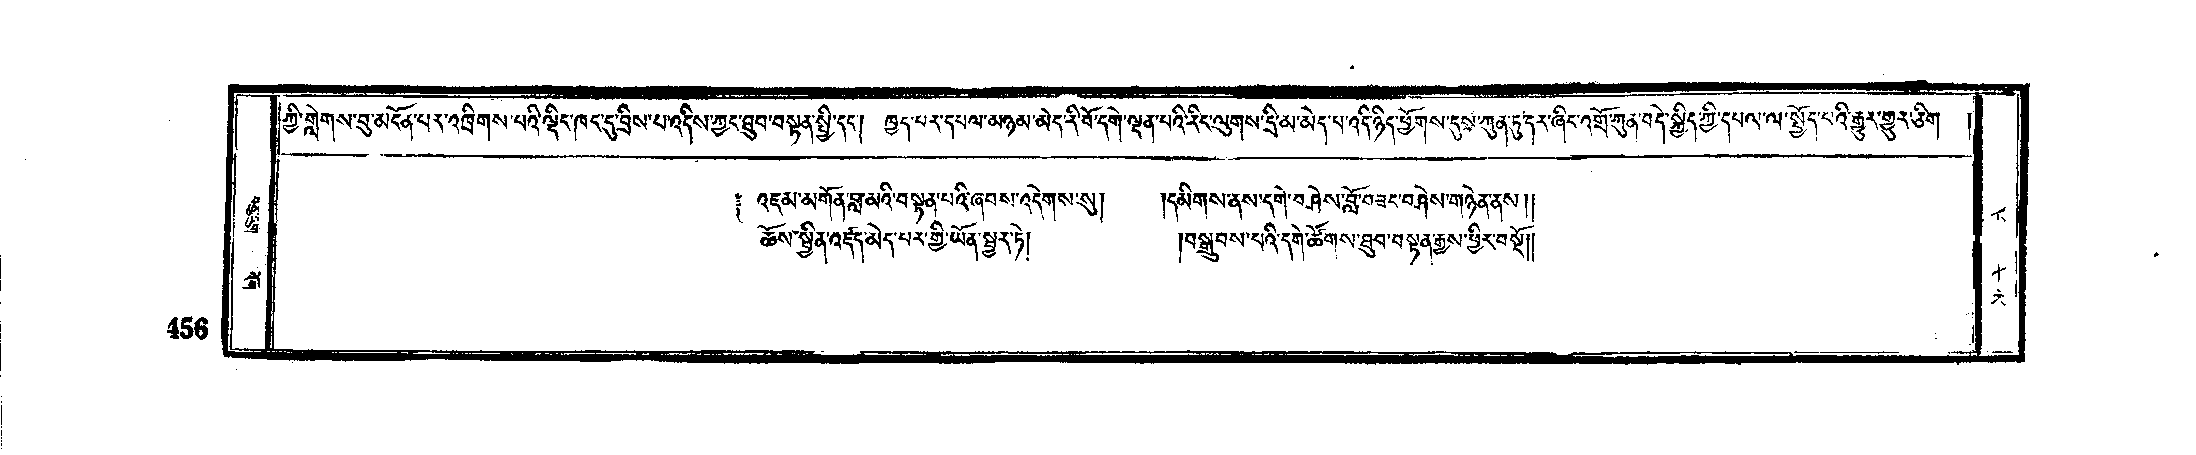ཀྱི་གླེགས་བུ་མངོན་པར་འཁྲིགས་པའི་ལྡིང་ཁང་དུ་བྲིས་པ་འདིས་ཀྱང་ཐུབ་བསྟན་སྤྱི་དང་། ཁྱད་པར་དཔལ་མཉམ་མེད་རི་བོ་དགེ་ལྡན་པའི་རིང་ལུགས་དྲི་མ་མེད་པ་འདི་ཉིད་ཕྱོགས་དུས་ཀུན་ཏུ་དར་ཞིང་འགྲོ་ཀུན་བདེ་སྐྱིད་ཀྱི་དཔལ་ལ་སྤྱོད་པའི་རྒྱུར་གྱུར་ཅིག །
༈ འཇམ་མགོན་བླ་མའི་བསྟན་པའི་ཞབས་འདེགས་སུ། །དམིགས་ནས་དགེ་བཤེས་བློ་བཟང་བཤེས་གཉེན་ནས།།
ཆོས་སྦྱིན་འཛད་མེད་པར་གྱི་ཡོན་སྦྱར་ཏེ། །བསྒྲུབས་པའི་དགེ་ཚོགས་ཐུབ་བསྟན་རྒྱས་ཕྱིར་བསྔོ།།